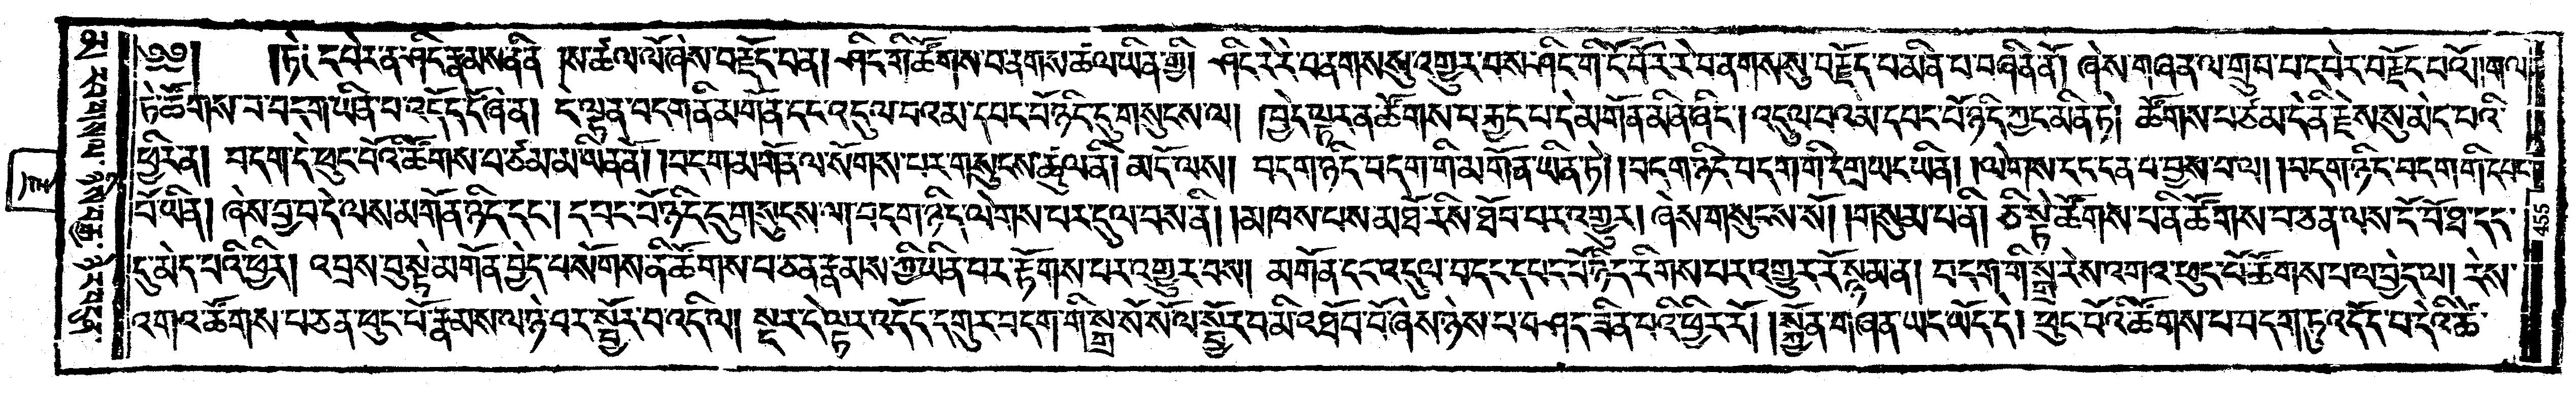༄༅། །ཏེ༑ དཔེར་ན་ཤིང་རྣམས་ནི་ནགས་ཚལ་ལོ་ཞེས་བརྗོད་པ་ན། ཤིང་གི་ཚོགས་པ་ནགས་ཚལ་ཡིན་གྱི། ཤིང་རེ་རེ་བ་ནགས་སུ་འགྱུར་བས་ཤིང་གི་ངོ་བོར་རེ་བ་ནགས་སུ་བརྗོད་པ་མིན་པ་བཞིན་ནོ། ཞེས་གཞན་ལ་གྲུབ་པ་དཔེར་བརྗོད་པའོ། །གལ་
ཏེ་ཚོགས་པ་བདག་ཡིན་པ་འདོད་དོ་ཞེ་ན། དེ་ལྟ་ན་བདག་ནི་མགོན་དང་འདུལ་བའམ་དབང་པོ་ཉིད་དུ་གསུངས་ལ། ཁྱེད་ལྟར་ན་ཚོགས་པ་རྐྱང་པ་དེ་མགོན་མིན་ཞིང་། འདུལ་བའམ་དབང་པོ་ཉིད་ཀྱང་མིན་ཏེ། ཚོགས་པ་ཙམ་དེ་ནི་རྫས་སུ་མེད་པའི་
ཕྱིར་ན། བདག་དེ་ཕུང་པོའི་ཚོགས་པ་ཙམ་མ་ཡིན་ནོ། །བདག་མགོན་ལ་སོགས་པར་གསུངས་ཚུལ་ནི། མདོ་ལས། བདག་ཉིད་བདག་གི་མགོན་ཡིན་ཏེ། །བདག་ཉིད་བདག་གི་དགྲ་ཡང་ཡིན། །ལེགས་དང་ངན་པ་བྱས་པ་ལ། །བདག་ཉིད་བདག་གི་དབང་
པོ་ཡིན། ཞེས་བྱ་བ་དེ་ལས་མགོན་ཉིད་དང་། དབང་པོ་ཉིད་དུ་གསུངས་ལ། བདག་ཉིད་ལེགས་པར་དུལ་བས་ནི། །མཁས་པས་མཐོ་རིས་ཐོབ་པར་འགྱུར། ཞེས་གསུངས་སོ། །གསུམ་པ་ནི། ཅི་སྟེ་ཚོགས་པ་ནི་ཚོགས་པ་ཅན་ལས་ངོ་བོ་ཐ་དད་
དུ་མེད་པའི་ཕྱིར། འབྲས་བུ་སྟེ་མགོན་བྱེད་པ་སོགས་ནི་ཚོགས་པ་ཅན་རྣམས་ཀྱི་ཡིན་པར་རྟོགས་པར་འགྱུར་བས། མགོན་དང་འདུལ་བ་དང་དབང་པོ་ཉིད་རིགས་པར་འགྱུར་རོ་སྙམ་ན། བདག་གི་སྒྲ་རེས་འགའ་ཕུང་པོ་ཚོགས་པ་ལ་བྱེད་ལ། རེས་
འགའ་ཚོགས་པ་ཅན་ཕུང་པོ་རྣམས་ལ་ཉེ་བར་སྦྱོར་བ་འདི་ལ། སྔར་དེ་ལྟར་འདོད་དགུར་བདག་གི་སྒྲ་སོ་སོ་ལ་སྦྱོར་བ་མི་འཐོབ་བོ་ཞེས་ཉེས་པ་བཤད་ཟིན་པའི་ཕྱིར་རོ། །སྐྱོན་གཞན་ཡང་ཡོད་དེ། ཕུང་པོའི་ཚོགས་པ་བདག་ཏུ་འདོད་པ་དེའི་ཚེ་